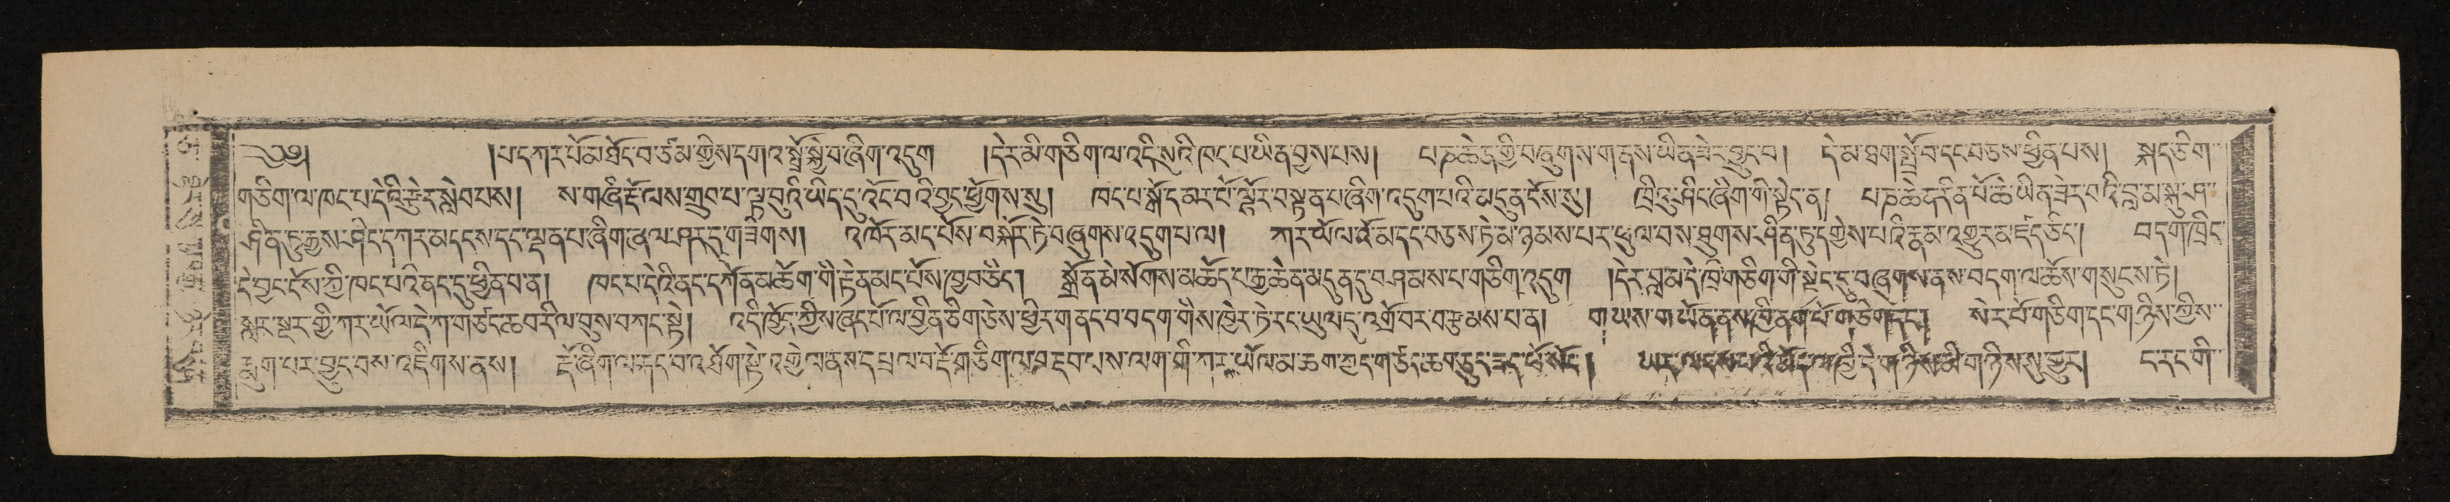༄༅། །པ་དཀར་པོ་མཐོང་བ་ཙམ་གྱིས་དགའ་སྤྲོ་སྐྱེ་བཞིག་འདུག །དེར་མི་གཅིག་ལ་འདི་སུའི་ཁང་པ་ཡིན་བྱས་པས། པཎ་ཆེན་གྱི་བཞུགས་གནས་ཡིན་ཟེར་བྱུང་བ། དེ་མ་ཐག་སྤྲོ་བ་དང་བཅས་ཕྱིན་པས། སྐད་ཅིག་
གཅིག་ལ་ཁང་བ་དེའི་རྩེར་སླེབ་པས། ས་གཞི་རྡོ་ལས་གྲུབ་པ་ལྟ་བུའི་ཡིད་དུ་འོང་བའི་བྱང་ཕྱོགས་སུ། ཁང་བསྒོ་དམར་པོ་ལྷོར་བསྟན་པ་ཞིག་འདུག་པའི་མདུན་ངོས་སུ། ཁྲིའུ་ཤིང་ཞིག་གི་སྟེང་ན། པཎ་ཆེན་རིན་པོ་ཆེ་ཡིན་ཟེར་བའི་བླ་མ་སྐུ་ཤ་
ཤིན་ཏུ་རྒྱས་ཤིང་དཀར་མདངས་དང་ལྡན་པ་ཞིག་ཞལ་ཤར་དུ་གཟིགས། འཁོར་མང་པོས་བསྐོར་ཏེ་བཞུགས་འདུག་པ་ལ། ཀར་ཡོལ་འོ་མ་དང་བཅས་ཏེ་མ་ཉམས་པར་ཕུལ་བས་ཐུགས་ཤིན་ཏུ་དགྱེས་པའི་རྣམ་འགྱུར་མཛད་ཅིང་། བདག་ཁྲིད་
དེ་བྱང་ངོས་ཀྱི་ཁང་པའི་ནང་དུ་ཕྱིན་པ་ན། ཁང་པ་དེའི་ནང་དཀོན་མཆོག་གི་རྟེན་མང་པོས་ཁྱབ་ཅིང་། སྒྲོན་མེ་སོགས་མཆོད་པ་རྒྱ་ཆེན་མདུན་དུ་བཤམས་པ་གཅིག་འདུག །དེར་བླ་མ་དེ་ཁྲི་གཅིག་གི་སྟེང་དུ་བཞུགས་ནས་བདག་ལ་ཆོས་གསུངས་ཏེ།
སླར་སྔར་གྱི་ཀར་ཡོལ་དེ་ཀ་གཙང་ཆབ་རིལ་བུས་བཀང་སྟེ། འདི་ཁྱོད་ཀྱིས་ཞང་བོ་ལ་བྱིན་ཅི་གཅེས་ཕྱིར་གནང་བ་བདག་གིས་ཁྱེར་ཏེ་རང་ཡུལ་དུ་འགྲོ་བར་བརྩམས་པ་ན། གཡས་གཡོན་ནས་ཁྱི་ནག་པོ་གཅིག་དང་། སེར་པོ་གཅིག་དང་གཉིས་ཀྱིས་
རྨུག་པར་བྱུང་བས་འཇིགས་ནས། རྡོ་ཞིག་ལ་རྐང་བ་འཐོག་སྟེ་འགྱེལ་ནས་དབྲལ་བརྡོ་གཅིག་ལ་བརྡབ་པས་ལག་གི་ཀར་ཡོལ་མཆག་ཀྱང་གཙང་ཆབ་ཅུང་ཟད་ཕོ་སོང་། ཡར་ལངས་པའི་མོད་ལ་ཁྱི་དེ་གཉིས་མི་གཉིས་སུ་གྱུར། ང་རང་གི་